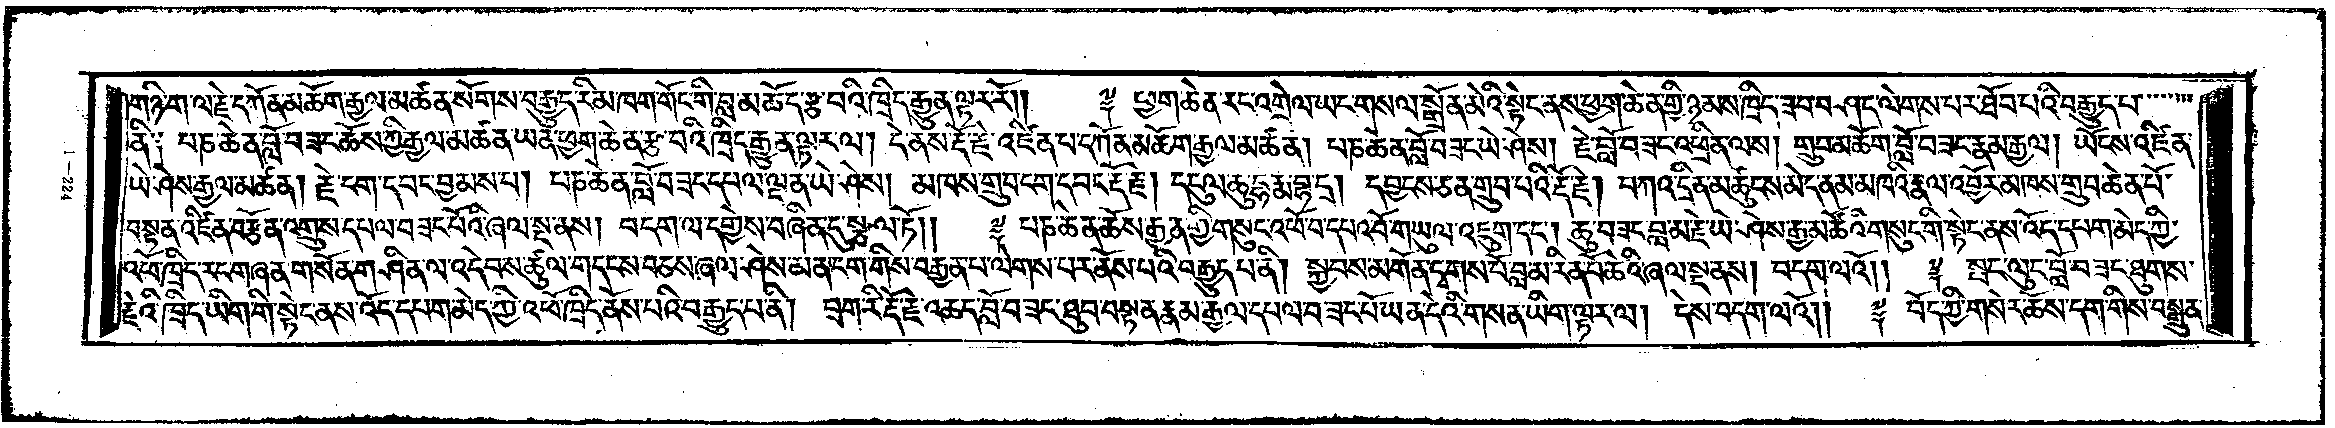གཉི་ག་ལ་རྗེ་དཀོན་མཆོག་རྒྱལ་མཚན་སོགས་བརྒྱུད་རིམ་ཁག་གོང་གི་བླ་མཆོད་རྩ་བའི་ཁྲིད་རྒྱུན་ལྟར་རོ།། འ་ཕྱག་ཆེན་རང་འགྲེལ་ཡང་གསལ་སྒྲོན་མེའི་སྟེང་ནས་ཕྱག་ཆེན་གྱི་ཉམས་ཁྲིད་ཟབ་བཤད་ལེགས་པར་ཐོབ་པའི་བརྒྱུད་པ་
ནི༑ པཎ་ཆེན་བློ་བཟང་ཆོས་ཀྱི་རྒྱལ་མཚན་ཡན་ཕྱག་ཆེན་རྩ་བའི་ཁྲིད་རྒྱུན་ལྟར་ལ། དེ་ནས་རྡོ་རྗེ་འཛིན་པ་དཀོན་མཆོག་རྒྱལ་མཚན། པཎ་ཆེན་བློ་བཟང་ཡེ་ཤེས། རྗེ་བློ་བཟང་འཕྲིན་ལས། གྲུབ་མཆོག་བློ་བཟང་རྣམ་རྒྱལ། ཡོངས་འཛིན་
ཡེ་ཤེས་རྒྱལ་མཚན། རྗེ་ངག་དབང་བྱམས་པ། པཎ་ཆེན་བློ་བཟང་དཔལ་ལྡན་ཡེ་ཤེས། མཁས་གྲུབ་ངག་དབང་རྡོ་རྗེ། དངུལ་ཆུ་དྷརྨ་བྷ་དྲ། དབྱངས་ཅན་གྲུབ་པའི་རྡོ་རྗེ། བཀའ་དྲིན་མཚུངས་མེད་ནམ་མཁའི་རྣལ་འབྱོར་མཁས་གྲུབ་ཆེན་པོ་
བསྟན་འཛིན་བརྩོན་འགྲུས་དཔལ་བཟང་པོའི་ཞལ་སྔ་ནས། བདག་ལ་དགྱེས་བཞིན་དུ་སྩལ་ཏོ།། འ་པཎ་ཆེན་ཆོས་རྒྱན་གྱི་གསུང་འཕོ་བ་དཔའ་བོ་གཡུལ་འཇུག་དང་། ཆུ་བཟང་བླ་མ་རྗེ་ཡེ་ཤེས་རྒྱ་མཚོའི་གསུང་གི་སྟེང་ནས་འོད་དཔག་མེད་ཀྱི་
འཕོ་ཁྲིད་རང་གཞན་གསོན་གཤིན་ལ་འདེབས་ཚུལ་གདངས་བཅས་ཞལ་ཤེས་མན་ངག་གིས་བརྒྱན་པ་ལེགས་པར་ནོས་པའི་བརྒྱུད་པ་ནི། སྐྱབས་མགོན་དྭགས་པོ་བླ་མ་རིན་པོ་ཆེའི་ཞལ་སྔ་ནས། བདག་ལའོ།། འ་སྤང་ལུང་བློ་བཟང་ཐུགས་
རྗེའི་ཁྲིད་ཡིག་གི་སྟེང་ནས་འོད་དཔག་མེད་ཀྱི་འཕོ་ཁྲིད་ནོས་པའི་བརྒྱུད་པ་ནི། བྲག་རི་རྡོ་རྗེ་འཆད་བློ་བཟང་ཐུབ་བསྟན་རྣམ་རྒྱལ་དཔལ་བཟང་པོ་ཡན་དེའི་གསན་ཡིག་ལྟར་ལ། དེས་བདག་ལའོ།། འ་བོད་ཀྱི་གསེར་ཆོས་དག་གིས་བསྒྲུན་